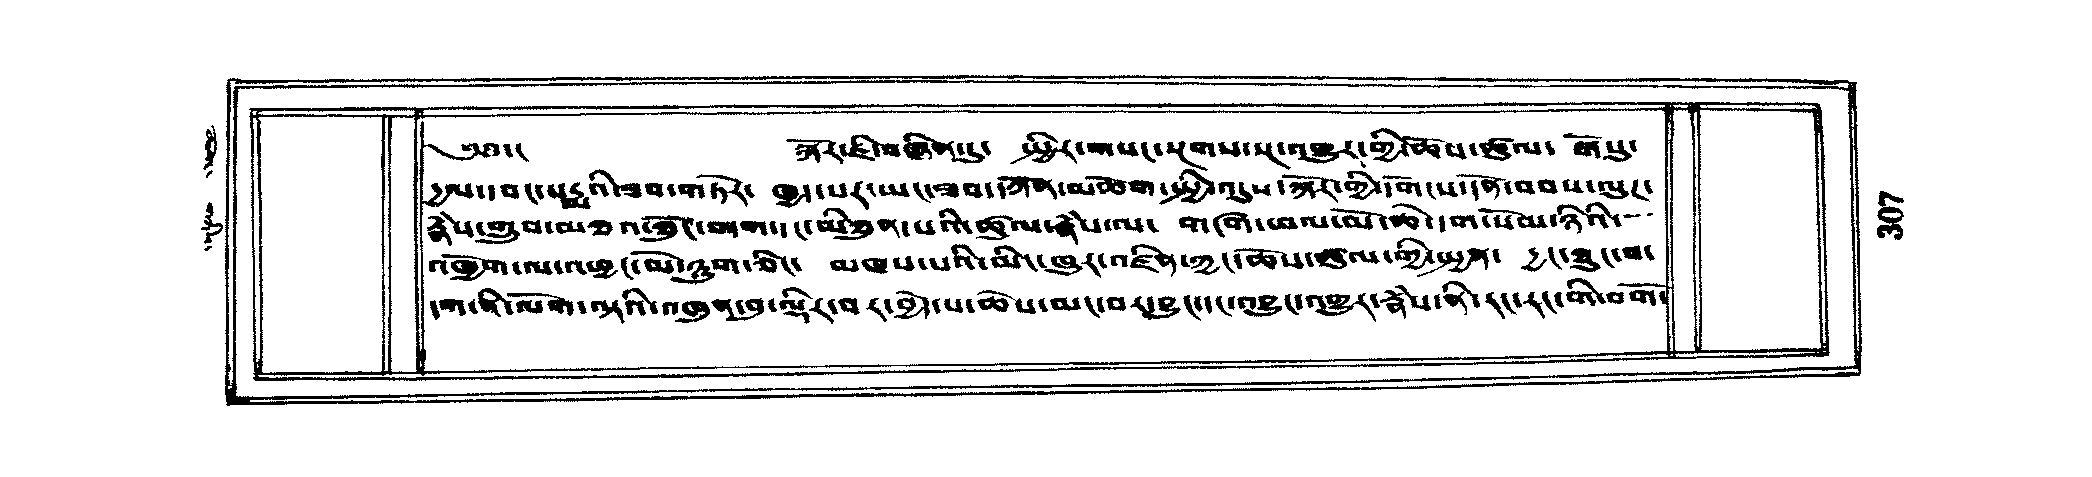སྐོར་ཇི་བཞིན་དུ། སྤྱིར་གསང་སྔགས་སྔ་འགྱུར་གྱི་ཆོས་ཚུལ། སྒོས་སུ་
རྒྱལ་དབང་པདྨའི་ཟབ་གཏེར། ཁྱད་པར་ཡང་ཟབ་དཀོན་མཆོག་སྤྱི་མདུས་སྐོར་གྱི་དགོངས་དོན་བབས་ལུགས་
རྣམས་གྲུབ་མཐའི་ཐུན་མོང་བདག་དང་མི་མཐུན་པའི་ཚུལ་རྣམས་ལ། གདམས་ངག་ཕལ་མོ་ཆེ་དག་སོམ་ཉིའི་
འཁྱོག་ལ་འཕྱང་མོ་ཉུག་ཅིང་། མཁས་པའི་མིང་ཁུར་འཛིན་ཀྱང་ཆོས་ཚུལ་གྱི་སྤྱན། རྒྱང་ཐུང་བ་
དག་ནི་ལོག་ལྟའི་འཁུན་བུ་ལྡིར་བར་བྱེད་པ་ཆེས་མང་བར་བྱུང་དང་འབྱུང་འགྱུར་རྣམས་ནི་རང་རང་གི་བགོ་